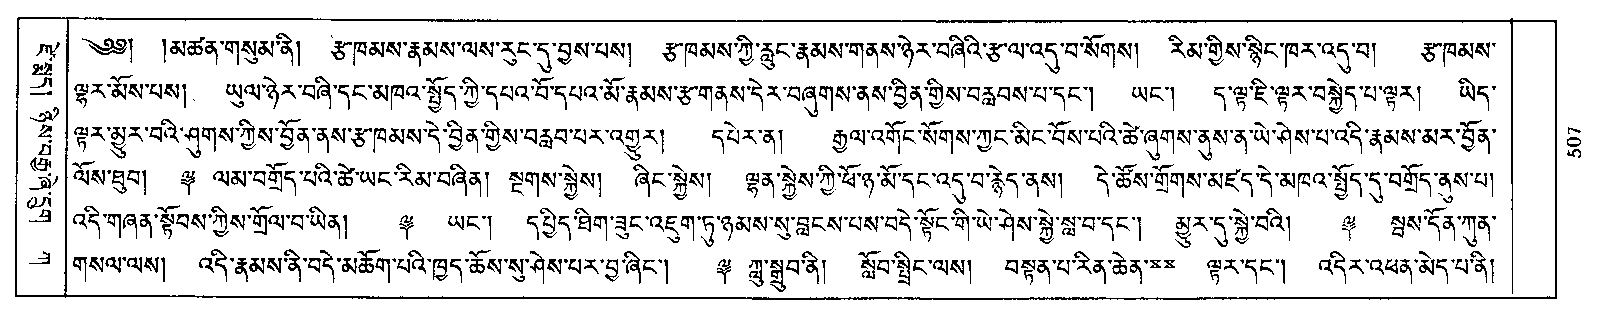༄༅། །མཚན་གསུམ་ནི། རྩ་ཁམས་རྣམས་ལས་རུང་དུ་བྱས་པས། རྩ་ཁམས་ཀྱི་རླུང་རྣམས་གནས་ཉེར་བཞིའི་རྩ་ལ་འདུ་བ་སོགས། རིམ་གྱིས་སྙིང་ཁར་འདུ་བ། རྩ་ཁམས་
ལྷར་མོས་པས། ཡུལ་ཉེར་བཞི་དང་མཁའ་སྤྱོད་ཀྱི་དཔའ་བོ་དཔའ་མོ་རྣམས་རྩ་གནས་དེར་བཞུགས་ནས་བྱིན་གྱིས་བརླབས་པ་དང་། ཡང་། ད་ལྟ་ཇི་ལྟར་བསྐྱེད་པ་ལྟར། ཡིད་
ལྟར་མྱུར་བའི་ཤུགས་ཀྱིས་བྱོན་ནས་རྩ་ཁམས་དེ་བྱིན་གྱིས་བརླབ་པར་འགྱུར། དཔེར་ན། རྒྱལ་འགོང་སོགས་ཀྱང་མིང་བོས་པའི་ཚེ་ཞུགས་ནུས་ན་ཡེ་ཤེས་པ་འདི་རྣམས་མར་བྱོན་
ལོས་ཐུབ། ༈ ལམ་བགྲོད་པའི་ཚེ་ཡང་རིམ་བཞིན། སྔགས་སྐྱེས། ཞིང་སྐྱེས། ལྷན་སྐྱེས་ཀྱི་ཕོ་ཉ་མོ་དང་འདུ་བ་རྙེད་ནས། དེ་ཚོས་གྲོགས་མཛད་དེ་མཁའ་སྤྱོད་དུ་བགྲོད་ནུས་པ།
འདི་གཞན་སྟོབས་ཀྱིས་གྲོལ་བ་ཡིན། ༈ ཡང་། དཔྱིད་ཐིག་ཟུང་འཇུག་ཏུ་ཉམས་སུ་བླངས་པས་བདེ་སྟོང་གི་ཡེ་ཤེས་སྐྱེ་སླ་བ་དང་། མྱུར་དུ་སྐྱེ་བའི། ༈ སྦས་དོན་ཀུན་
གསལ་ལས། འདི་རྣམས་ནི་བདེ་མཆོག་པའི་ཁྱད་ཆོས་སུ་ཤེས་པར་བྱ་ཞིང་། ༈ ཀླུ་སྒྲུབ་ནི། སློབ་སྤྲིང་ལས། བསྟན་པ་རིན་ཆེན་྾྾་ལྟར་དང་། འདིར་འཕན་མེད་པ་ནི།